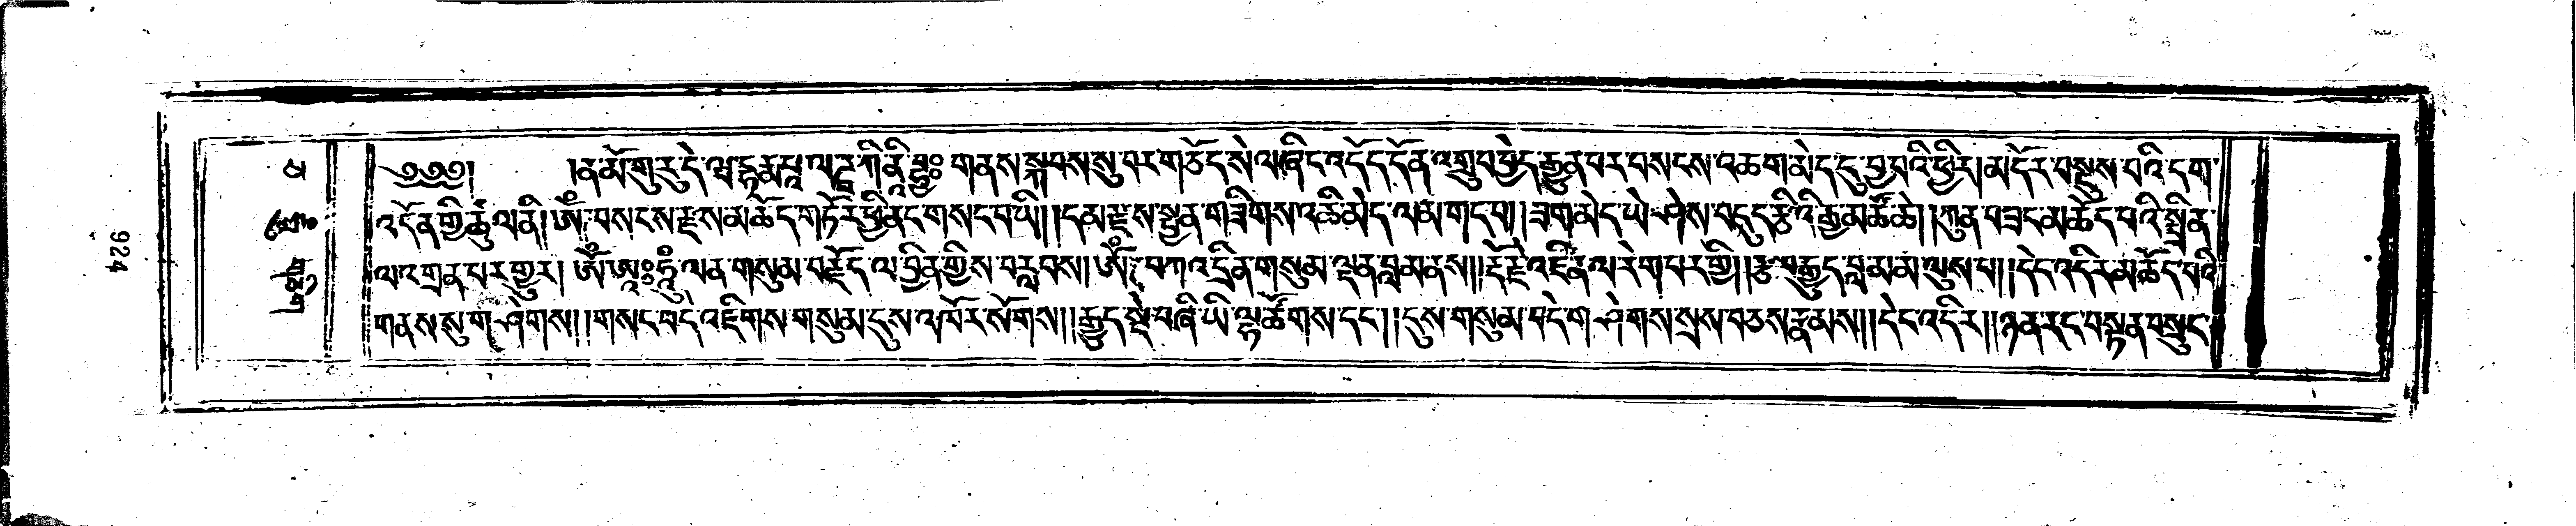༄༅༅། །ན་མོ་གུ་རུ་དེ་ཝ་དྷརྨ་པཱ་ལ་ཌཱ་ཀི་ནཱི་བྷྱཿ གནས་སྐབས་སུ་བར་གཅོད་སེལ་ཞིང་འདོད་དོན་འགྲུབ་བྱེད་རྒྱུན་པར་བསངས་འཆག་མེད་དུ་བྱ་བའི་ཕྱིར། མདོར་བསྡུས་པའི་ངག་
འདོན་གྱི་ཚུལ་ནི། ཨོཾ༑ བསངས་རྫས་མཆོད་གཏོར་ཕྱི་ནང་གསང་བ་ཡི། །དམ་རྫས་སྤྱན་གཟིགས་འཆི་མེད་ལམ་གང་བ། །ཟག་མེད་ཡེ་ཤེས་བདུད་རྩིའི་རྒྱ་མཚོ་ཆེ། །ཀུན་བཟང་མཆོད་པའི་སྤྲིན་
ལ་འགྲན་པར་གྱུར། ཨོཾ་ཨཱཿ ཧཱུཾ་ལན་གསུམ་བརྗོད་ལ་བྱིན་གྱིས་བརླབས། ཨོཾ༑ བཀའ་དྲིན་གསུམ་ལྡན་བླ་མ་ནས། །རྡོ་རྗེ་འཛིན་ལ་རེག་པར་གྱི། །རྩ་བརྒྱུད་བླ་མ་མ་ལུས་པ། །དེང་འདིར་མཆོད་པའི་
གནས་སུ་གཤེགས། །གསང་བདེ་འཇིགས་གསུམ་དུས་འཁོར་སོགས། །རྒྱུད་སྡེ་བཞི་ཡི་ལྷ་ཚོགས་དང་། །དུས་གསུམ་བདེ་གཤེགས་སྲས་བཅས་རྣམས། །དེང་འདིར། །ཉན་རང་བསྟན་བསྲུང་